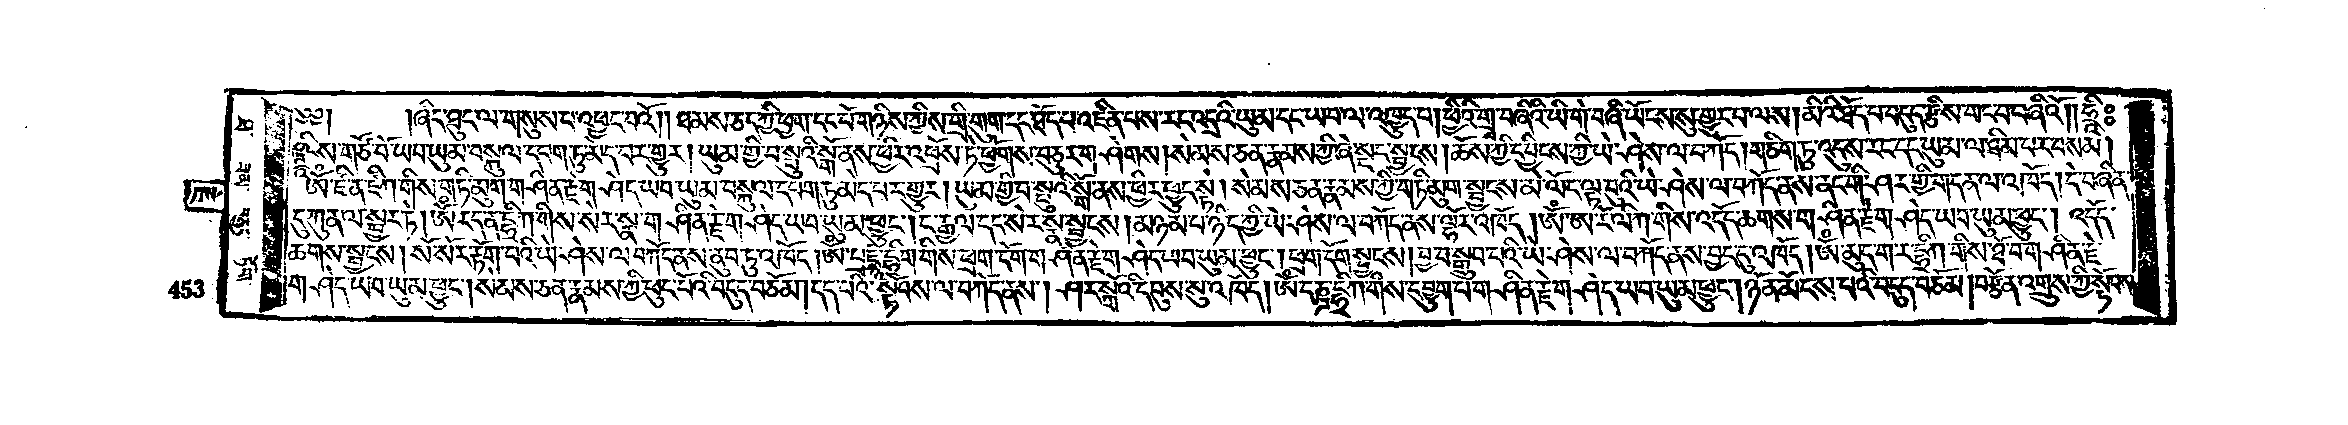༄༅། །ཞིང་ཐུང་ལ་གསུས་པ་འཕྱང་བའོ། །ཐམས་ཅད་ཀྱི་ཕྱག་དང་པོ་གཉིས་ཀྱིས་གྲི་གུག་དང་ཐོད་པ་འཛིན་པས་རང་འདྲའི་ཡུམ་དང་ཡབ་ལ་འཁྱུད་པ། ཕྱིའི་གྲྭ་བཞིའི་ཡི་གེ་བཞི་ཡོངས་སུ་གྱུར་པ་ལས། མིའི་ཐོད་པ་བདུད་རྩིས་གང་བ་བཞིའོ། །ཧྲཱིཿ
ཥྚྲཱིས་གཙོ་བོ་ཡབ་ཡུམ་བསྐུལ་དཔག་ཏུ་མེད་པར་གྱུར། ཡུམ་གྱི་བ་སྤུའི་སྒོ་ནས་ཕྱིར་འཕྲོས་ཏེ་ཕྱོགས་བཅུར་གཤེགས། སེམས་ཅན་རྣམས་ཀྱི་ཞེ་སྡང་སྦྱངས། ཆོས་ཀྱི་དབྱིངས་ཀྱི་ཡེ་ཤེས་ལ་བཀོད། གཅིག་ཏུ་འདུས་རང་དང་ཡུམ་ལ་ཐིམ་པར་བསམ།
ཨོཾ་ཛི་ན་ཛིཀ་གིས་གཏི་མུག་གཤིན་རྗེ་གཤེད་ཡབ་ཡུམ་བསྐུལ་དཔག་ཏུ་མེད་པར་གྱུར། ཡུམ་གྱི་བ་སྤུའི་སྒོ་ནས་ཕྱིར་ཕྱུང་སྟེ། སེམས་ཅན་རྣམས་ཀྱི་གཏི་མུག་སྦྱངས་མེ་ལོང་ལྟ་བུའི་ཡེ་ཤེས་ལ་བཀོད་ནས་ནང་གི་ཤར་གྱི་གདན་ལ་འཁོད། དེ་བཞིན་
དུ་ཀུན་ལ་སྦྱར་ཏེ། ཨོཾ་རད་ན་དྷྲིཀ་གིས་སེར་སྣ་གཤིན་རྗེ་གཤེད་ཡབ་ཡུམ་ཕྱུང་། ང་རྒྱལ་དང་སེར་སྣ་སྦྱངས། མཉམ་པ་ཉིད་ཀྱི་ཡེ་ཤེས་ལ་བཀོད་ནས་ལྷོར་འཁོད། ཨོཾ་ཨ་རོ་ལིཀ་གིས་འདོད་ཆགས་གཤིན་རྗེ་གཤེད་ཡབ་ཡུམ་ཕྱུང་། འདོད་
ཆགས་སྦྱངས། སོ་སོར་རྟོག་པའི་ཡེ་ཤེས་ལ་བཀོད་ནས་ནུབ་ཏུ་འཁོད། ཨོཾ་པྲཛྙཱ་དྷྲིག་གིས་ཕྲག་དོག་གཤིན་རྗེ་གཤེད་ཡབ་ཡུམ་ཕྱུང་། ཕྲག་དོག་སྦྱངས། བྱ་བ་སྒྲུབ་པའི་ཡེ་ཤེས་ལ་བཀོད་ནས་བྱང་དུ་འཁོད། ཨོཾ་མུད་ག་ར་དྷྲིཀ་གིས་ཐོ་བ་གཤིན་རྗེ་
གཤེད་ཡབ་ཡུམ་ཕྱུང་། སེམས་ཅན་རྣམས་ཀྱི་ཕུང་པོའི་བདུད་བཅོམ། དད་པའི་སྟོབས་ལ་བཀོད་ནས། ཤར་སྒོའི་དབུས་སུ་འཁོད། ཨོཾ་དཎྜ་དྷྲིཀ་གིས་དབྱུག་པ་གཤིན་རྗེ་གཤེད་ཡབ་ཡུམ་ཕྱུང་། ཉོན་མོངས་པའི་བདུད་བཅོམ། བརྩོན་འགྲུས་ཀྱི་སྟོབས་